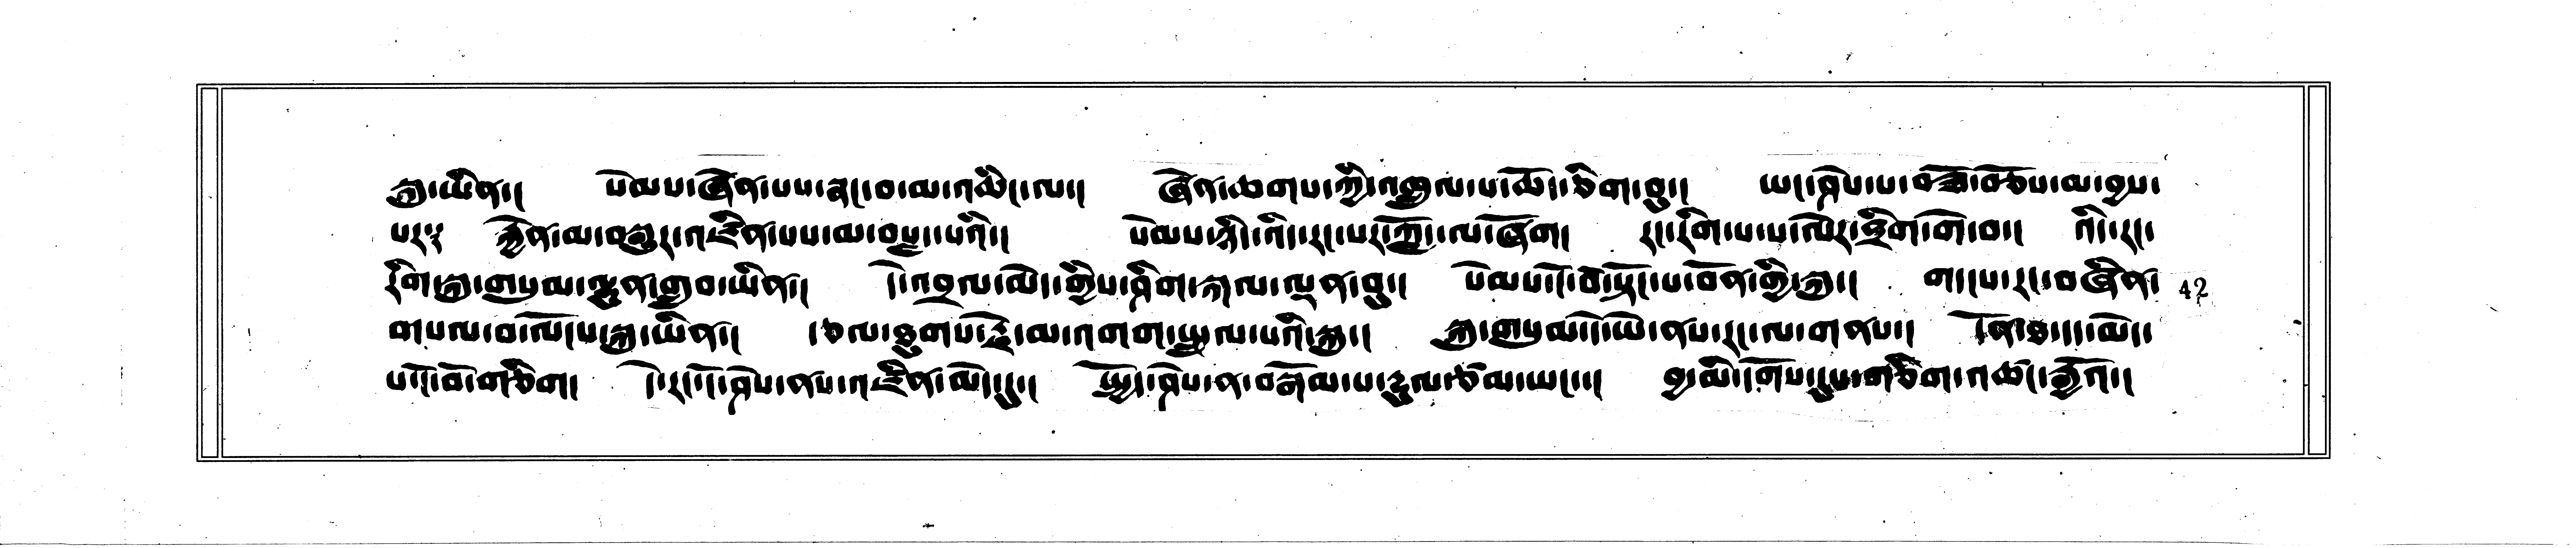སྐུ་ཡིན། །སེམས་ཞེན་པས་སྣང་བ་མ་འཆིང་ལ། །ཞེན་ཆགས་ཀྱི་འཁྲུལ་པ་ཆོད་ཅིག་བུ། །ཡང་ཤེས་པ་བཟོ་བཅོས་མ་བྱས་
པར། །རྐྱེན་མ་བསྒྱུར་འཛིན་པས་མ་བསླད་པའི། །སེམས་ཉིད་འདི་རང་སར་གློད་ལ་ཞོག །རང་རིག་པ་ས་ལེ་ཧྲིག་གེ་བ། །འདི་རང་
རིག་སྐུ་གསུམ་ལྷུན་གྲུབ་ཡིན། །དེ་འབྲལ་མེད་གྱིས་ཤིག་སྐལ་ལྡན་བུ། །སེམས་ངོ་བོ་སྟོང་པ་བོན་གྱི་སྐུ། །གདངས་རང་བཞིན་
གསལ་བ་ལོངས་སྐུ་ཡིན། །རྩལ་ཐུགས་རྗེ་མ་འགག་སྤྲུལ་པའི་སྐུ། །སྐུ་གསུམ་དེ་ཡེ་ནས་རང་ལ་གནས། །དོན་ཐ་དད་མེད་
པ་ངོ་བོ་གཅིག །དེ་རང་ངོ་ཤེས་ནས་འཛིན་མེད་དུ། །སྤྱོད་ཤེས་ན་བསྒོམ་པ་རྡུལ་ཙམ་ཡང་། །བྱ་མི་དགོས་དུས་གཅིག་འཚང་རྒྱ་འོ། །